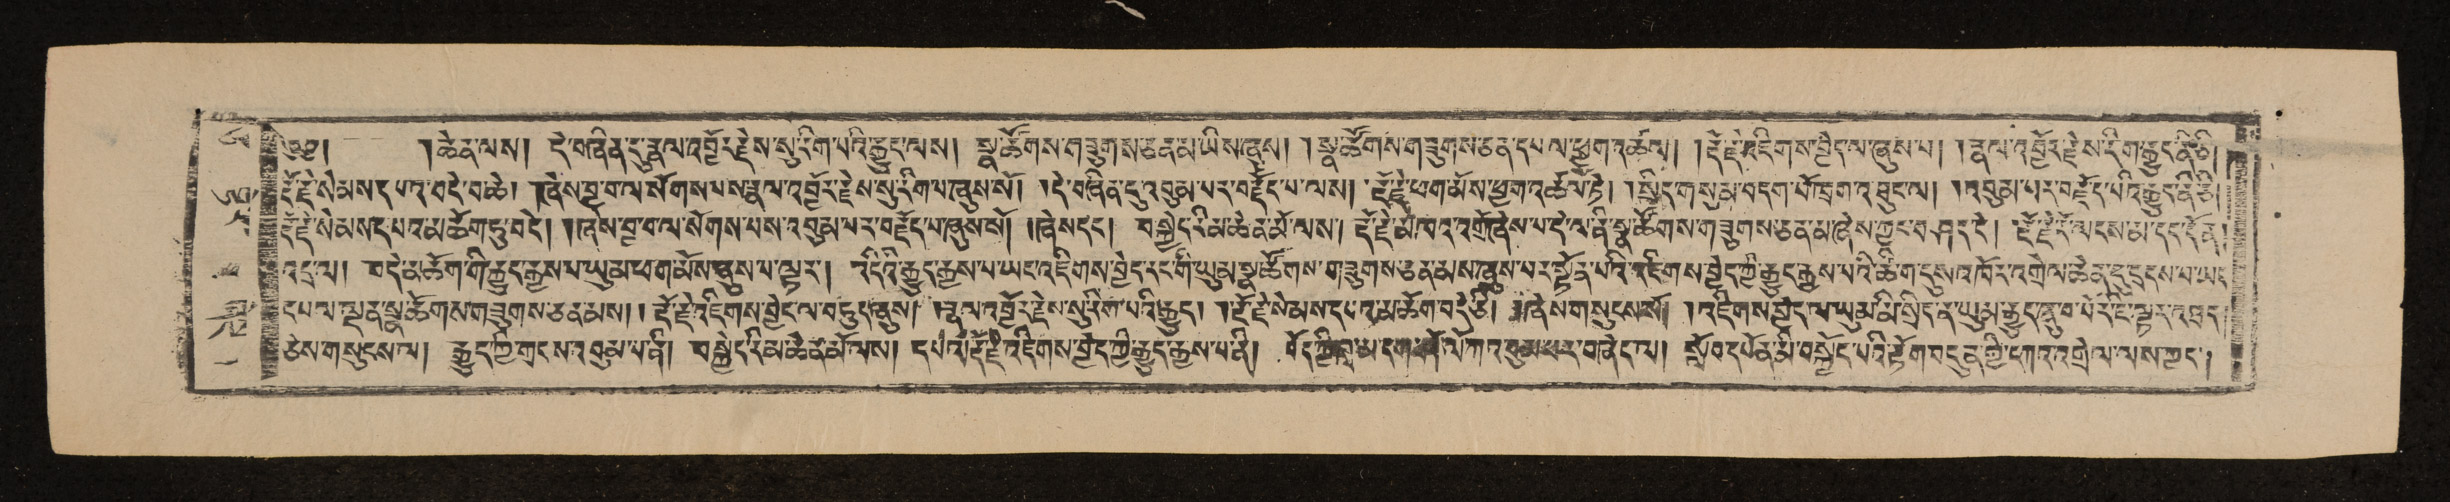༄༅། །ཆེན་ལས། དེ་བཞིན་དུ་རྣལ་འབྱོར་རྗེས་སུ་རིག་པའི་རྒྱུད་ལས། སྣ་ཚོགས་གཟུགས་ཅན་མ་ཡིས་ཞུས། །སྣ་ཚོགས་གཟུགས་ཅན་དཔལ་ཕྱག་འཚལ། །རྡོ་རྗེ་འཇིགས་བྱེད་ལ་ཞུས་པ། །རྣལ་འབྱོར་རྗེས་རིག་རྒྱུད་ནི་ཅི། །
རྡོ་རྗེ་སེམས་དཔའ་བདེ་བ་ཆེ། །ཞེས་བྱ་བ་ལ་སོགས་པས་རྣལ་འབྱོར་རྗེས་སུ་རིག་པ་ཞུས་སོ། །དེ་བཞིན་དུ་འབུམ་པར་བརྗོད་པ་ལས། རྡོ་རྗེ་ཕག་མོས་ཕྱག་འཚལ་ཏེ། །སྲིད་གསུམ་བདག་པོ་ཁྲག་འཐུང་ལ། །འབུམ་པར་བརྗོད་པའི་རྒྱུད་ནི་ཅི།།
རྡོ་རྗེ་སེམས་དཔའ་མཆོག་ཏུ་བདེ། །ཞེས་བྱ་བ་ལ་སོགས་པས་འབུམ་པར་བརྗོད་པ་ཞུས་སོ། །ཞེས་དང་། བསྐྱེད་རིམ་ཆེན་མོ་ལས། རྡོ་རྗེ་མཁའ་འགྲོ་ཞེས་པ་དེ་ལ་ནི་སྣ་ཚོགས་གཟུགས་ཅན་མ་ཞེས་ཀྱང་བཤད་དེ། རྡོ་རྗེ་རོ་ལངས་མ་དང་དོན་
འདྲ་ལ། བདེ་མཆོག་གི་རྒྱུད་རྒྱས་པ་ཡུམ་ཕག་མོས་ཞུས་པ་ལྟར། འདིའི་རྒྱུད་རྒྱས་པ་ཡང་འཇིགས་བྱེད་རང་གི་ཡུམ་སྣ་ཚོགས་གཟུགས་ཅན་མས་ཞུས་པར་སྟོན་པའི་འཇིགས་བྱེད་ཀྱི་རྒྱུད་རྒྱས་པའི་ཚིག་དུས་འཁོར་འགྲེལ་ཆེན་དུ་དྲངས་པ་ཡང་།
དཔལ་ལྡན་སྣ་ཚོགས་གཟུགས་ཅན་མས། །རྡོ་རྗེ་འཇིགས་བྱེད་ལ་བཏུད་ཞུས། །རྣལ་འབྱོར་རྗེས་སུ་རིག་པའི་རྒྱུད། །རྡོ་རྗེ་སེམས་དཔའ་མཆོག་བདེ་ཅི། །ཞེས་གསུངས་སོ། །འཇིགས་བྱེད་ལ་ཡུམ་མི་སྲིད་ན་ཡུམ་རྒྱུད་ཞུ་བ་པོར་ཇི་ལྟར་འཐད།
ཅེས་གསུངས་ལ། རྒྱུད་ཀྱི་གྲངས་འབུམ་པ་ནི། བསྐྱེད་རིམ་ཆེན་མོ་ལས། དཔལ་རྡོ་རྗེ་འཇིགས་བྱེད་ཀྱི་རྒྱུད་རྒྱས་པ་ནི། བོད་ཀྱི་བླ་མ་དག་ཤོ་ལོཀ་འབུམ་པར་བཞེད་ལ། སློབ་དཔོན་མི་བསྐྱོད་པའི་རྟོག་བདུན་གྱི་དཀའ་འགྲེལ་ལས་ཀྱང་།